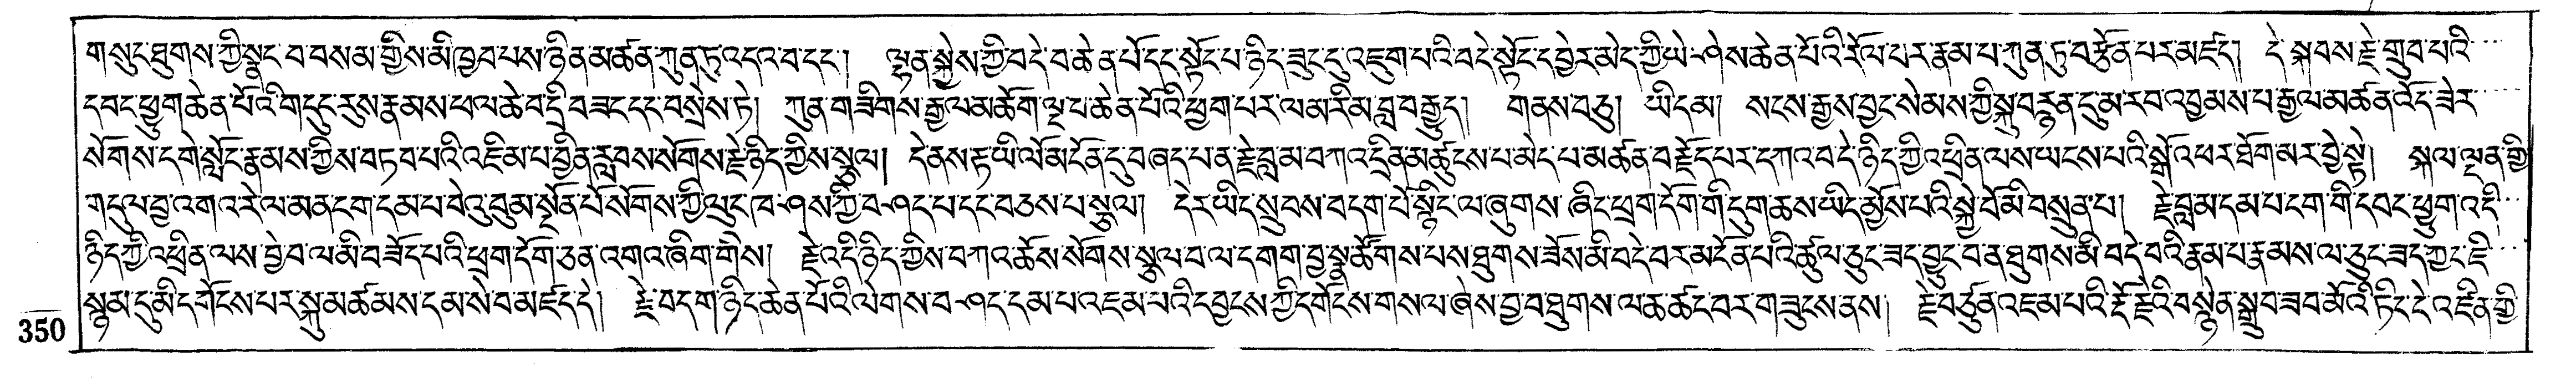གསུང་ཐུགས་ཀྱི་སྣང་བ་བསམ་གྱིས་མི་ཁྱབ་པས་ཉིན་མཚན་ཀུན་ཏུ་འདའ་བ་དང་། ལྷན་སྐྱེས་ཀྱི་བདེ་བ་ཆེན་བོ་དང་སྟོང་པ་ཉིད་ཟུང་དུ་འཇུག་པའི་བདེ་སྟོང་དབྱེར་མེད་ཀྱི་ཡེ་ཤེས་ཆེན་བོའི་རོལ་པར་རྣམ་པ་ཀུན་ཏུ་བརྩོན་པར་མཛད། དེ་སྐབས་རྗེ་གྲུབ་པའི་
དབང་ཕྱུག་ཆེན་པོའི་གདུང་རུས་རྣམས་ཕལ་ཆེ་བདྲི་བཟང་དང་བསྲེས་ཏེ། ཀུན་གཟིགས་རྒྱལ་མཆོག་ལྔ་པ་ཆེན་པོའི་ཕྱག་བར་ལམ་རིམ་བླ་བརྒྱུད། གནས་བཅུ། ཡི་དམ། སངས་རྒྱས་བྱང་སེམས་ཀྱི་སྐུ་བརྙན་དུ་མ་རབ་འབྱམས་པ་རྒྱལ་མཚན་འོད་ཟེར་
སོགས་དགེ་སློང་རྣམས་ཀྱིས་བཏབ་པའི་འཇིམ་པ་བྱིན་རླབས་སོགས་རྗེ་ཉིད་ཀྱིས་སྩལ། དེ་ནས་རྟ་ཡི་ལོ་མངོན་དུ་བཞད་པ་ན་རྗེ་བླ་མ་བཀའ་དྲིན་མཚུངས་པ་མེད་པ་མཚན་བརྗོད་པར་དཀའ་བ་དེ་ཉིད་ཀྱི་འཕྲིན་ལས་ཡངས་པོའི་སྒོ་འཕར་ཐོག་མར་བྱེ་སྟེ། སྐལ་ལྡན་གྱི་
གདུལ་བྱ་འགའ་རེ་ལ་མན་དག་དམ་པ་བེའུ་བུམ་སྔོན་པོ་སོགས་ཀྱི་ལུང་ཁ་ཤས་ཀྱི་བཤད་པ་དང་བཅས་པ་སྩལ། དེར་ཡིད་སྲུབས་བདག་པོ་སྙིང་ལ་ཞུགས་ཤིང་ཕྲག་དོག་གི་དུག་ཆུས་ཡིད་མྱོས་པའི་སྐྱེ་བོ་མི་བསྲུན་པ། རྗེ་བླ་མ་དམ་པ་ངག་གི་དབང་ཕྱུག་འདི་
ཉིད་ཀྱི་འཕྲིན་ལས་བྱེ་བ་ལ་མི་བཟོད་པའི་ཕྲག་དོག་ཅན་འགའ་ཞིག་གིས། རྗེ་འདི་ཉིད་ཀྱིས་བཀའ་ཆོས་སོགས་སྩལ་བ་ལ་དགག་བྱ་སྣ་ཚོགས་པས་ཐུགས་ཟོས་མི་བདེ་བར་མངོན་པའི་ཚུལ་ཅུང་ཟད་བྱུང་བན་ཐུགས་མི་བདེ་བའི་རྣམ་པ་རྣམས་ལ་ཅུང་ཟད་ཀྱང་ཇི་
སྙམ་དུ་མི་དགོངས་པར་སྐུ་མཚམས་དམ་སེ་བ་མཛད་དེ། རྗེ་བདག་ཉིད་ཆེན་པོའི་ལེགས་བཤད་དམ་པ་འཇམ་པའི་དབྱངས་ཀྱི་དགོངས་གསལ་ཞེས་བྱ་བ་ཐུགས་ལ་ཆ་ཚང་བར་གཟུངས་ནས། རྗེ་བཙུན་འཇམ་པའི་རྡོ་རྗེའི་བསྙེན་སྒྲུབ་ཟབ་མོའི་ཏིང་ངེ་འཛིན་གྱི་